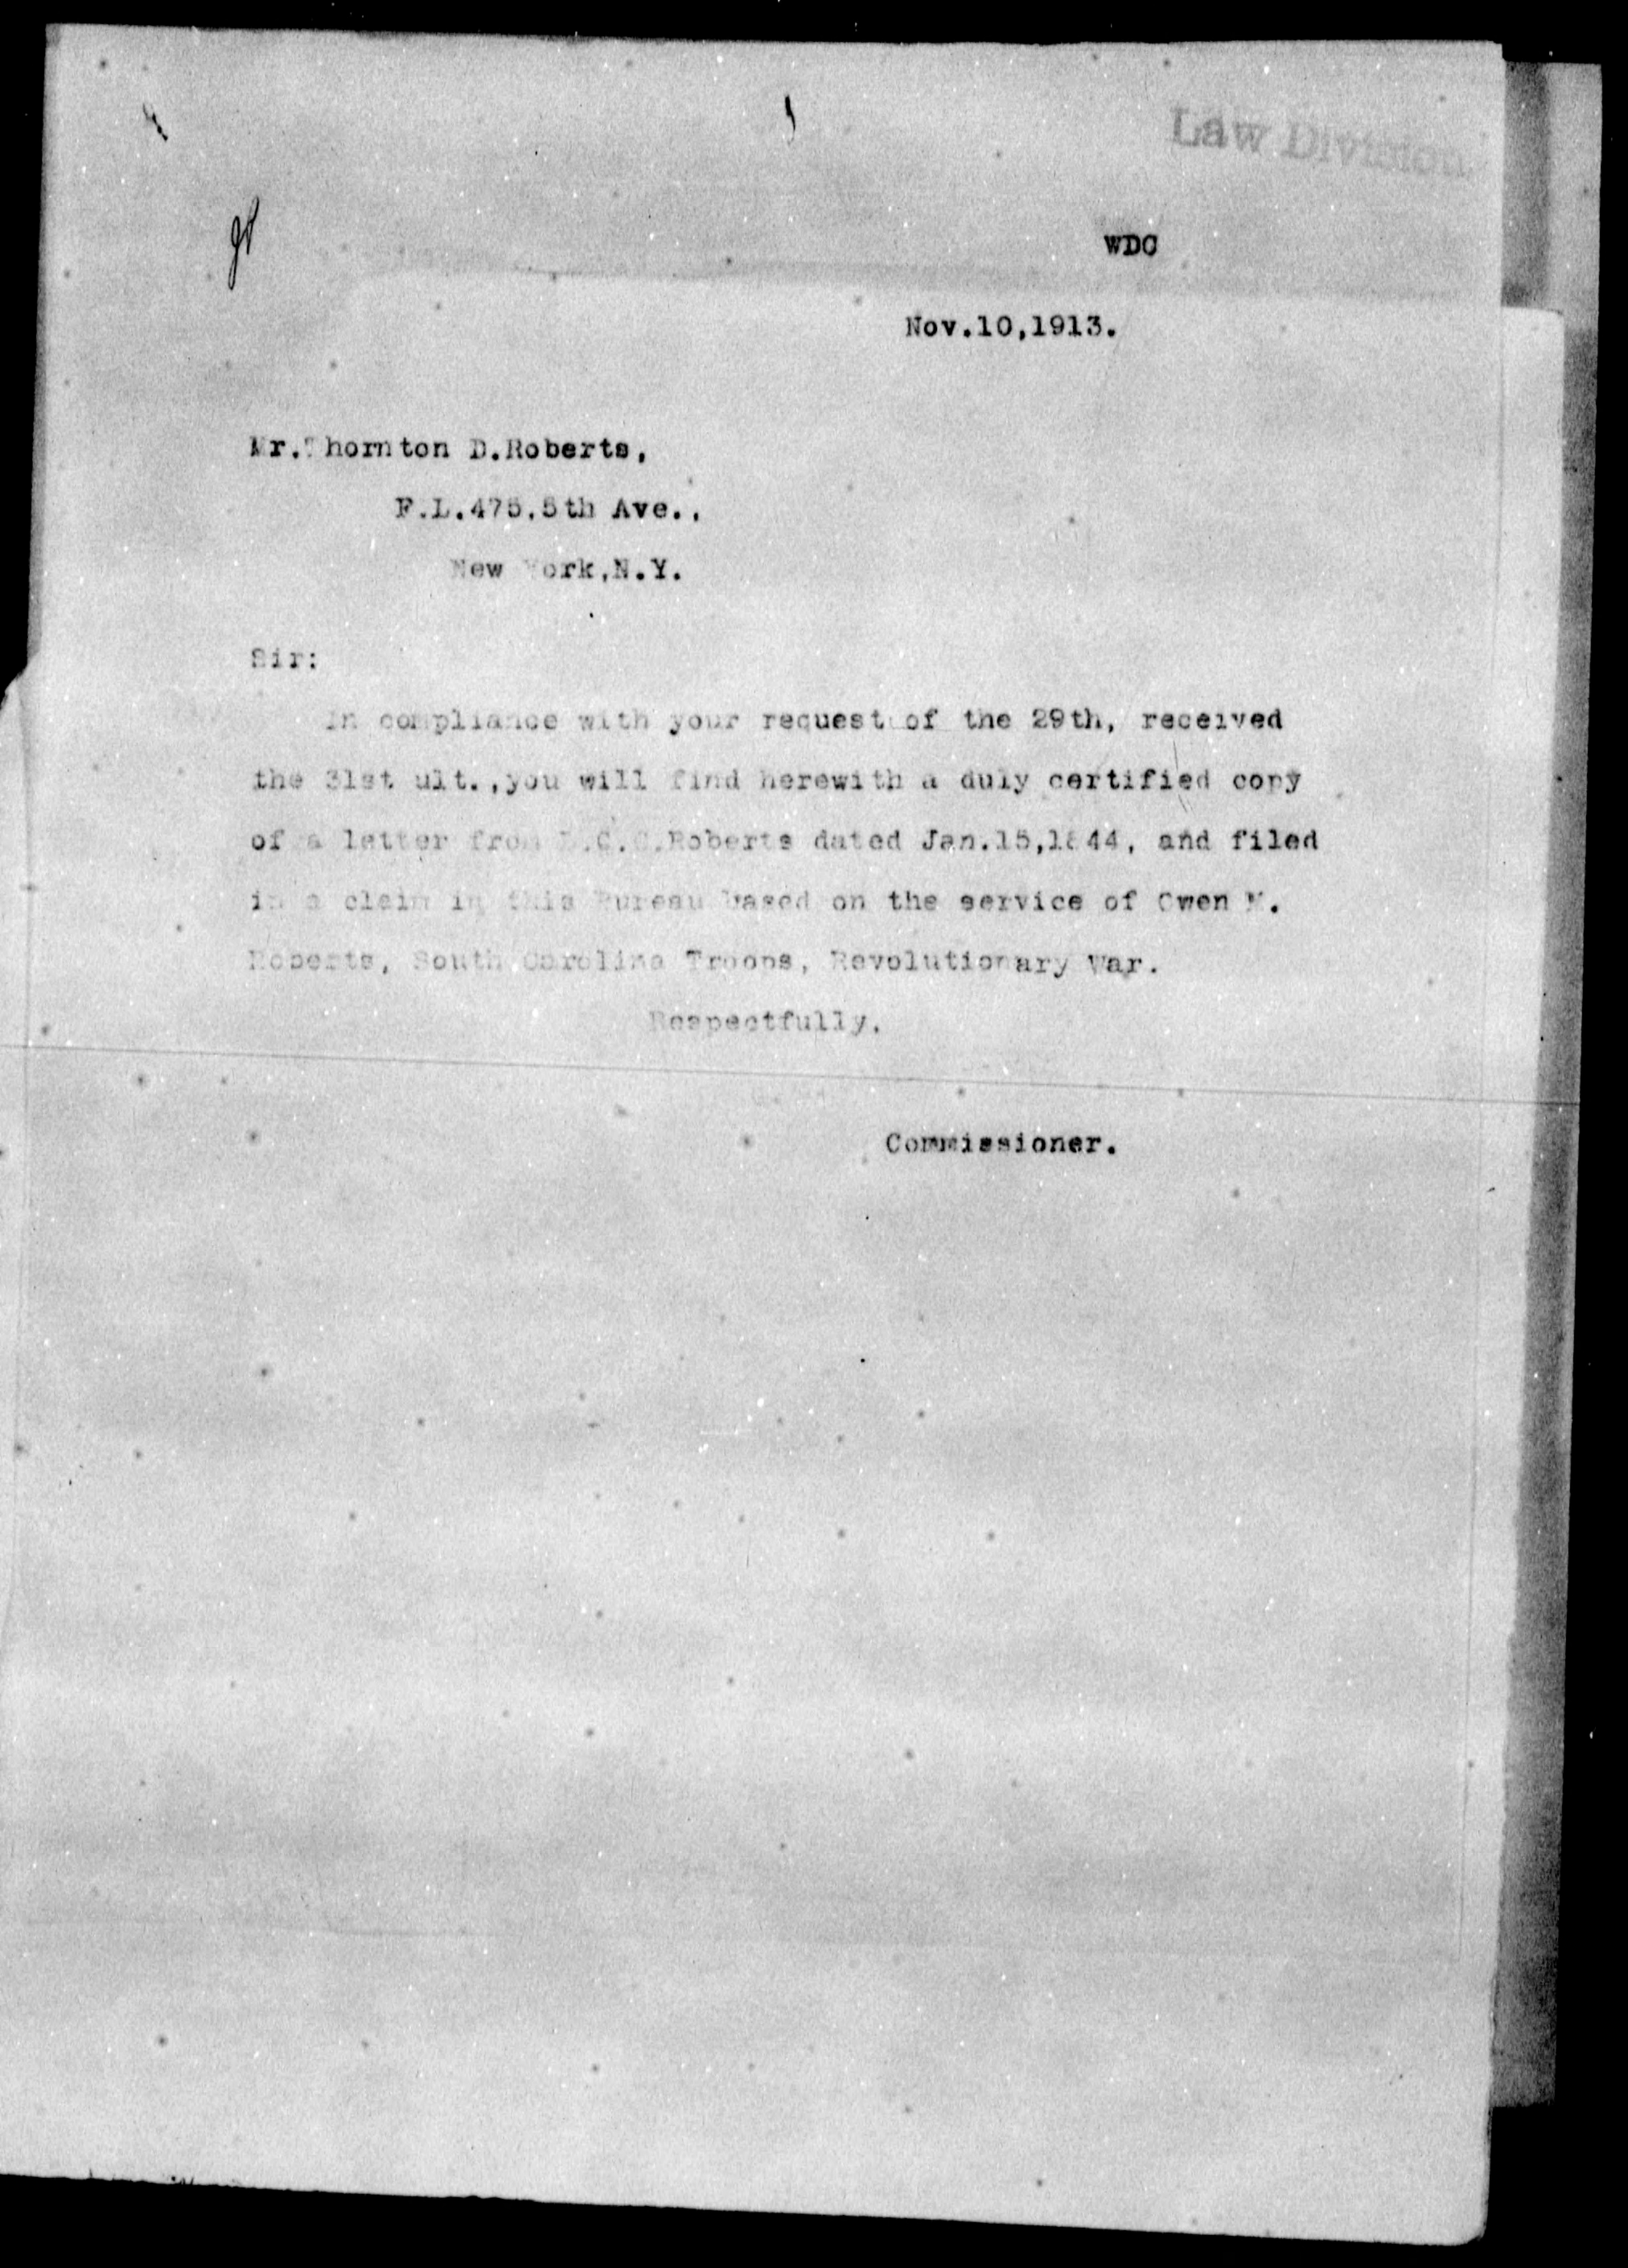[stamp] Law Division

WDC

Nov. 10, 1913.

Mr. Thornton D. Roberts,
F. L. 475, 5th Ave.,
New York, N.Y.

Sir:

In compliance with your request of the 29th, received
the 31st ult., you will find herewith a duly certified copy
of a letter from L.Q.C. Roberts dated Jan 15, 1844, and filed
in a claim in this Bureau based on the service of Owen M.
Roberts, South Carolina Troops, Revolutionary War.

Respectfully,


Commissioner.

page: 15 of 59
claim: bounty land warrant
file: B.L.Wt. 2359-500, for Owen Roberts, South Carolina